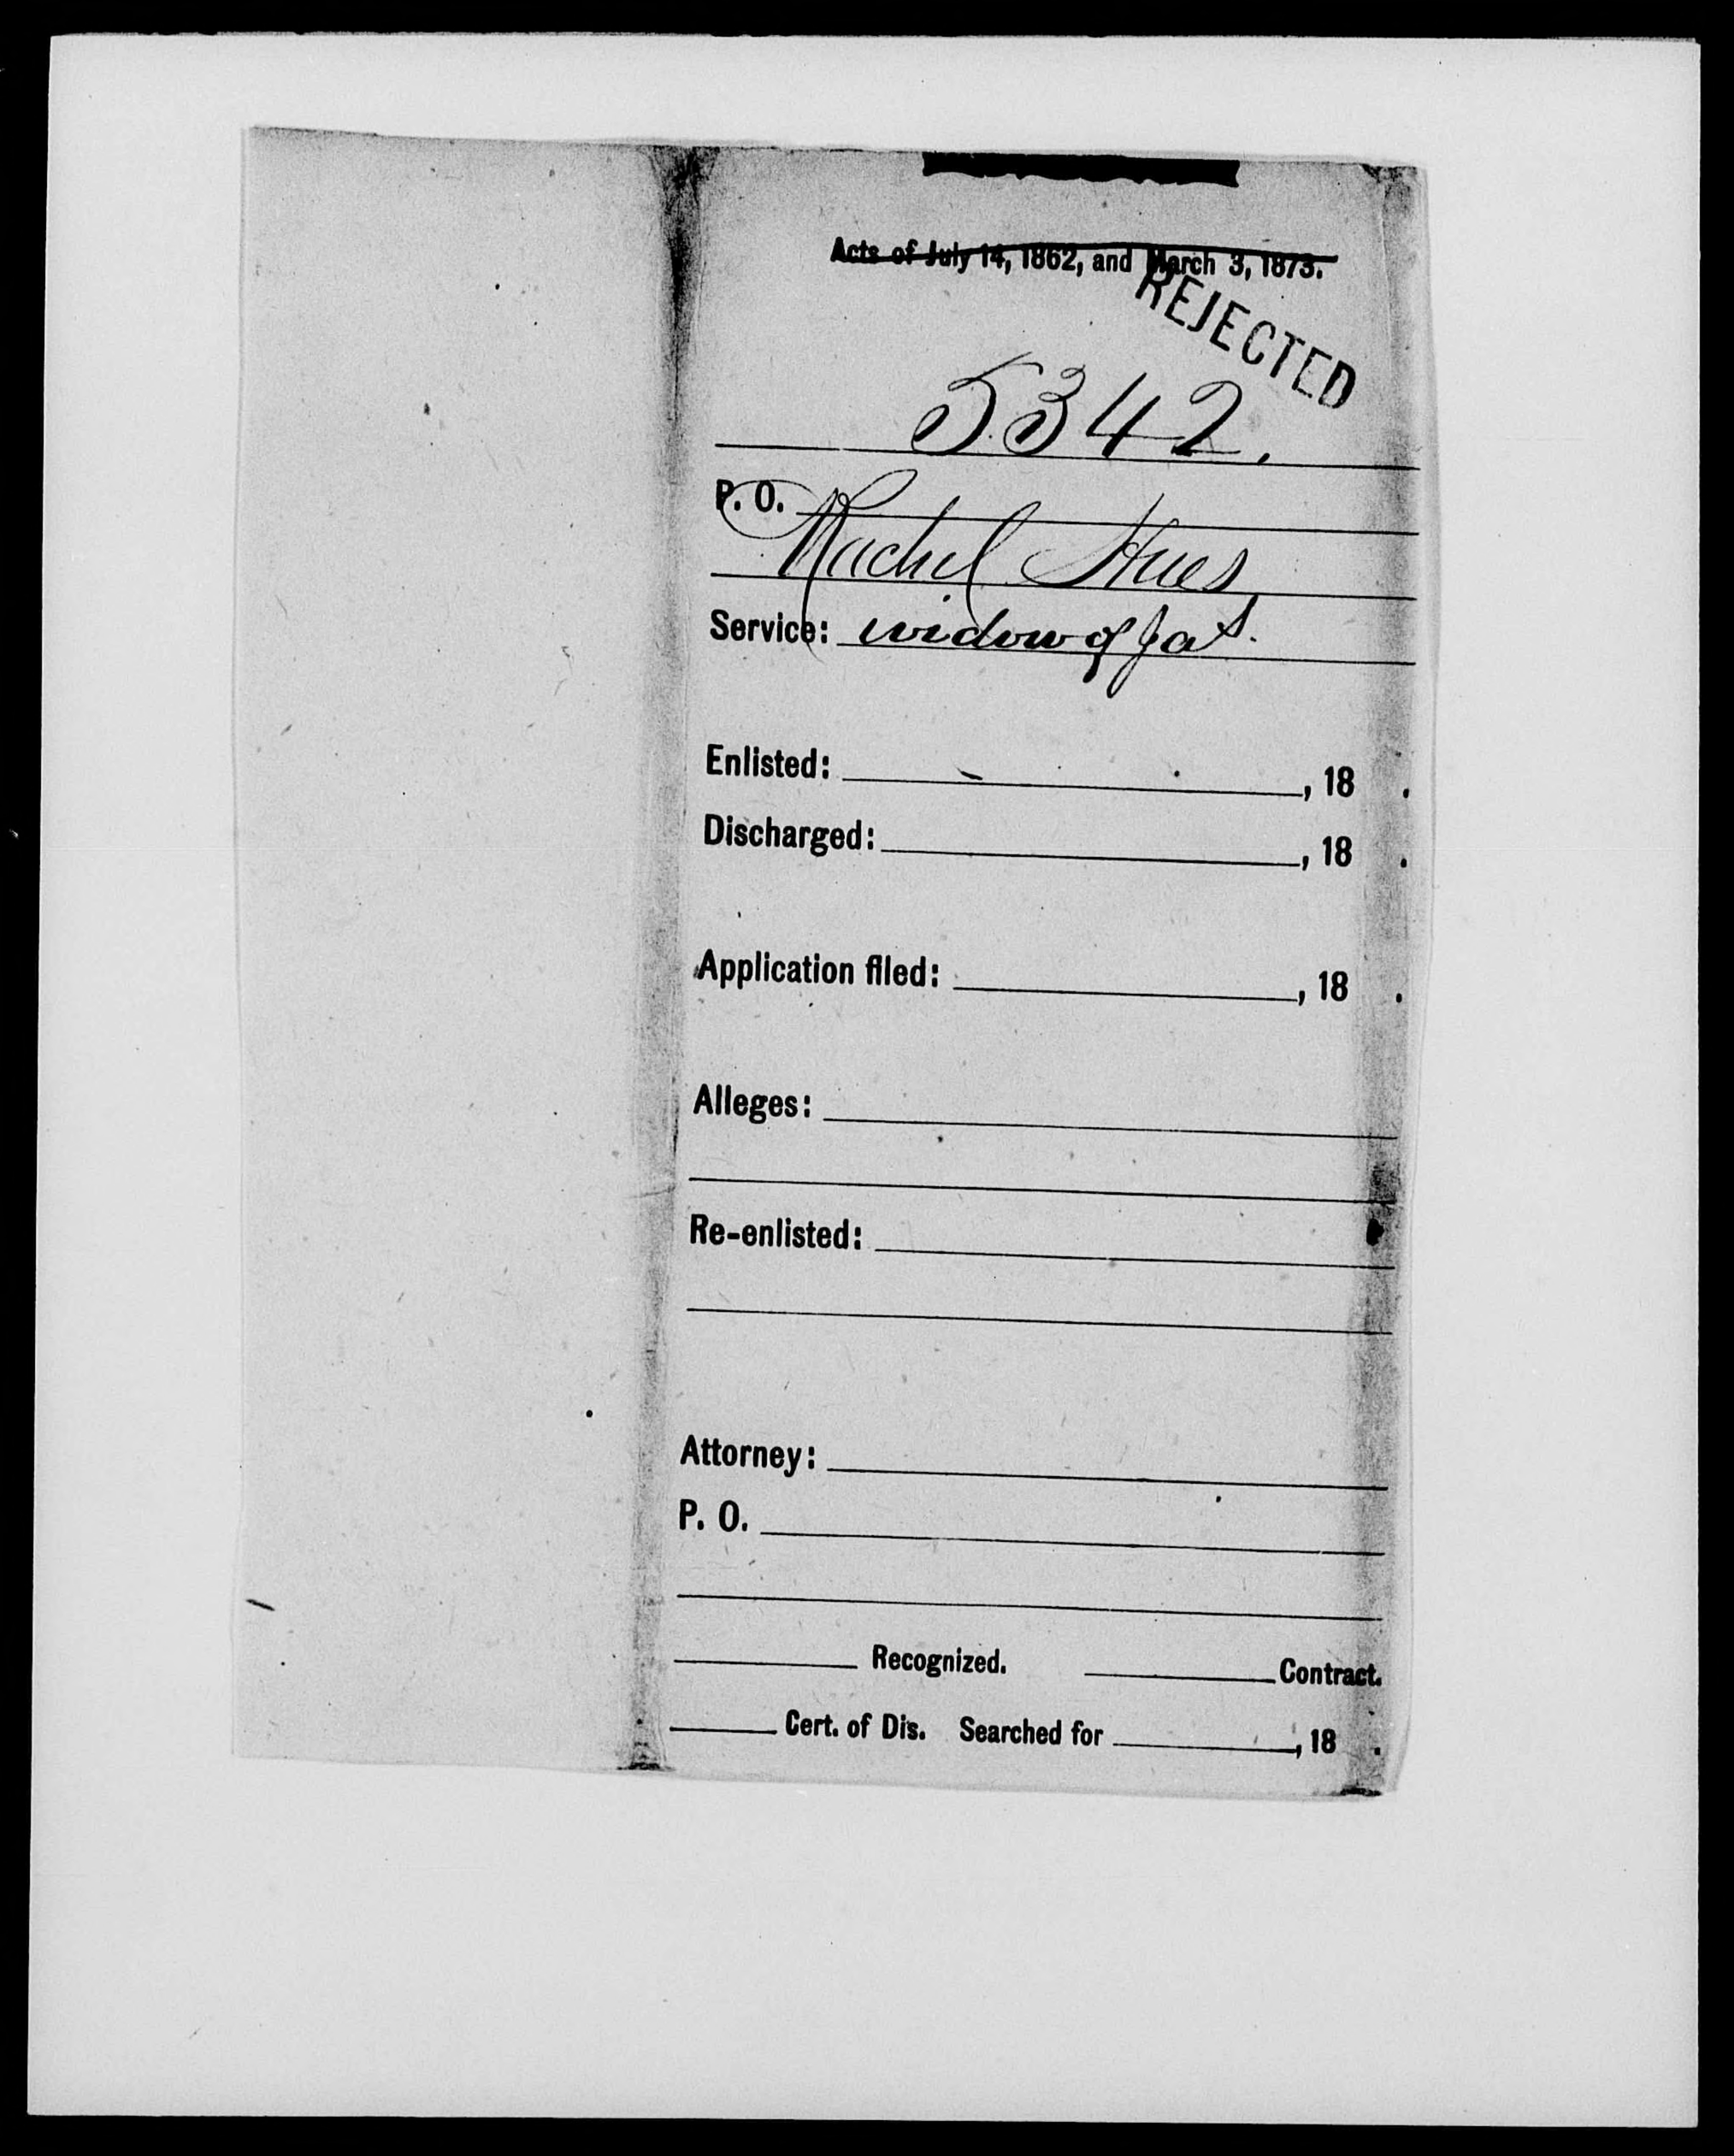Stamp at top reads REJECTED

5342
Rachel Hues
Service:  Widow of Jas.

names: Rachel Hues, Jas Hues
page: 24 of 24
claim: rejected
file: R. 5342, James Hues, N.C.